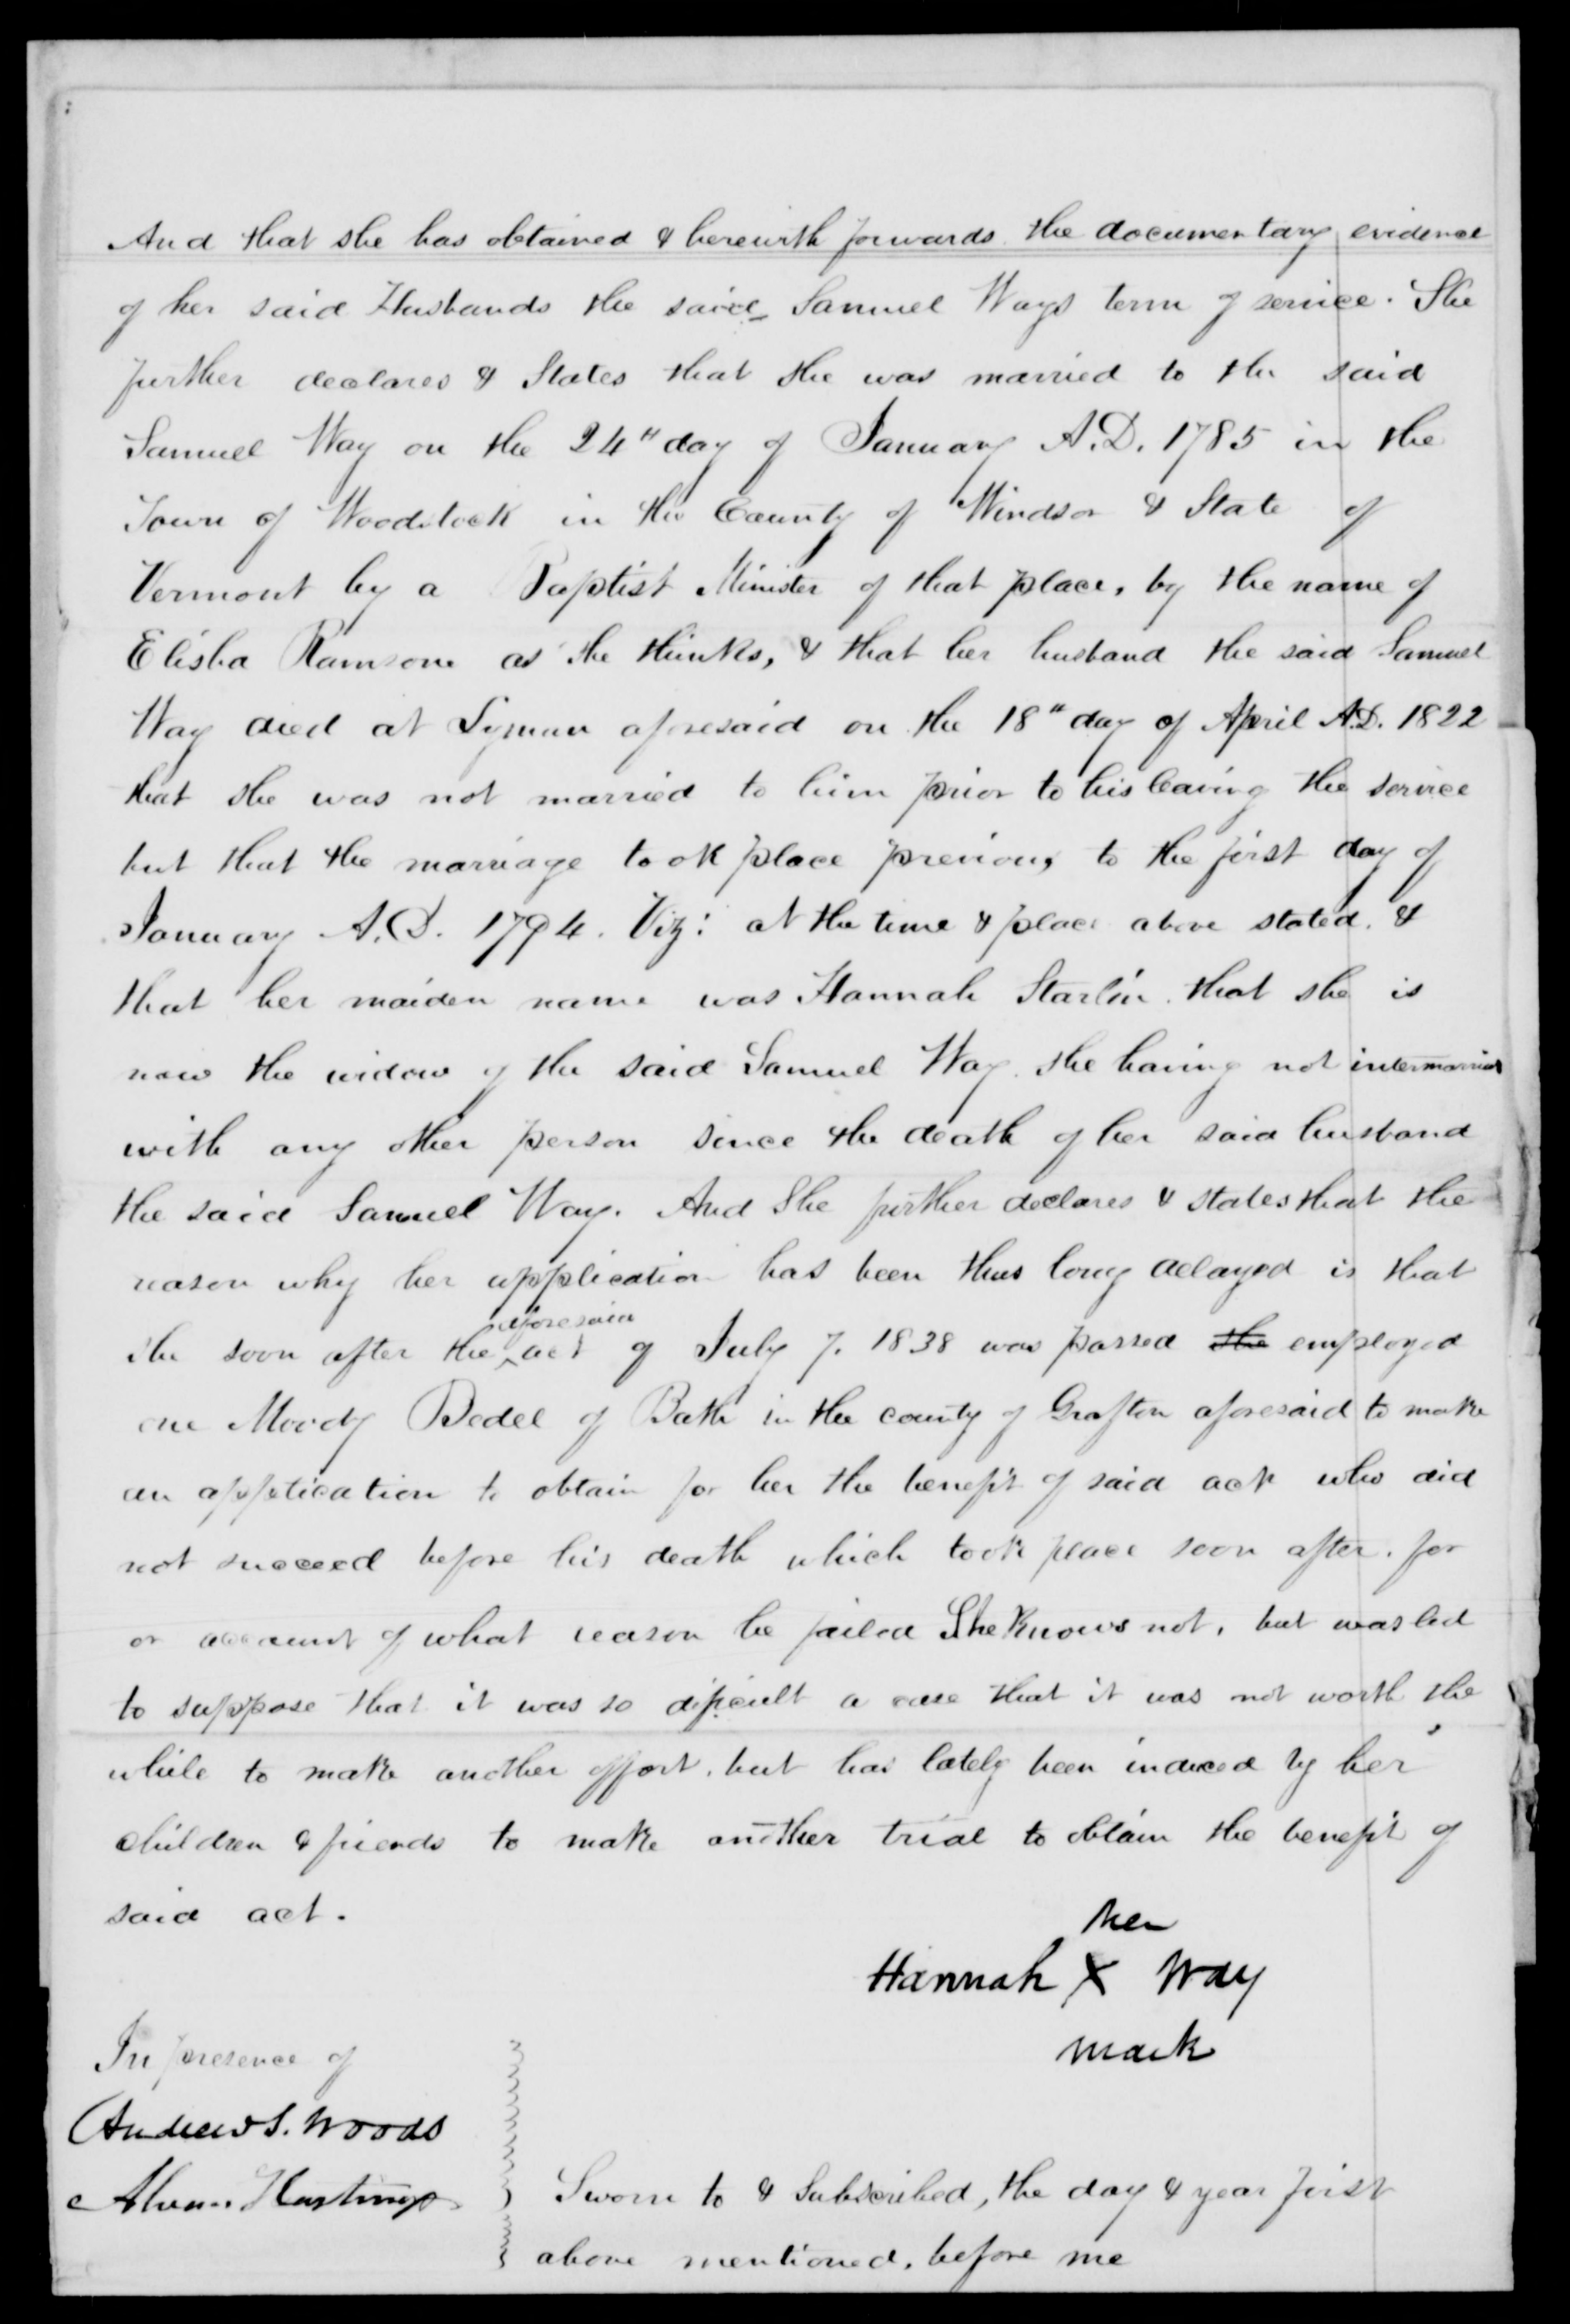And that she has obtained & herewith forwards the documentary evidence
of her said Husbands the said Samuel Ways term of service. She
further declares & states that she was married to the said
Samuel Way on the 24th day of January A.D. 1785 in the
Town of Woodstock in the County of Windsor & State of
Vermont by a Baptist Minister of that place, by the name of
Elisha Ramson as she thinks, & that her husband the said Samuel
Way and at Time aforesaid on the 18th day of April AD. 1822-
that she was not married to him prior to his leaving the service
but that the marriage took place previous to the first day of
January A.D. 1794, viz: at the time & place above stated &
that her maiden name was Hannah Starlin, that she is
now the widow of the said Samuel Way she having not intermarried
with any other person since the death of her said husband
the said Samuel Way. And she further declares & states that the
reason why her application has been thus long delayed is that
she soon after the aforesaid act of July 7. 1838 was passed employed
one Moody Bedel of Bath in the County of Grafton aforesaid to make
an application to obtain for her the benefit of said act who did
not succeed before his death which took place soon after, for
or account of what reason he failed she knows not, but was led
to suppose that it was so dificult a case that it was not worth the
while to make another effort, but has lately been induced by her
children & friends to make another trial to obtain the benefit of
said act.
Hannah Way
her mark
In presence of
Andrews, Woods
& Alva Hastings
Sworn to & Subscribed, the day & year first
above mentioned, before me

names: Elisha Ramson, Moody Bedel, Hannah Starlin, Hannah Way, Andrew S Woods, Samuel Way, Alvan Hastings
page: 17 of 78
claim: widow's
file: W. 25856, Samuel Way, N.H.